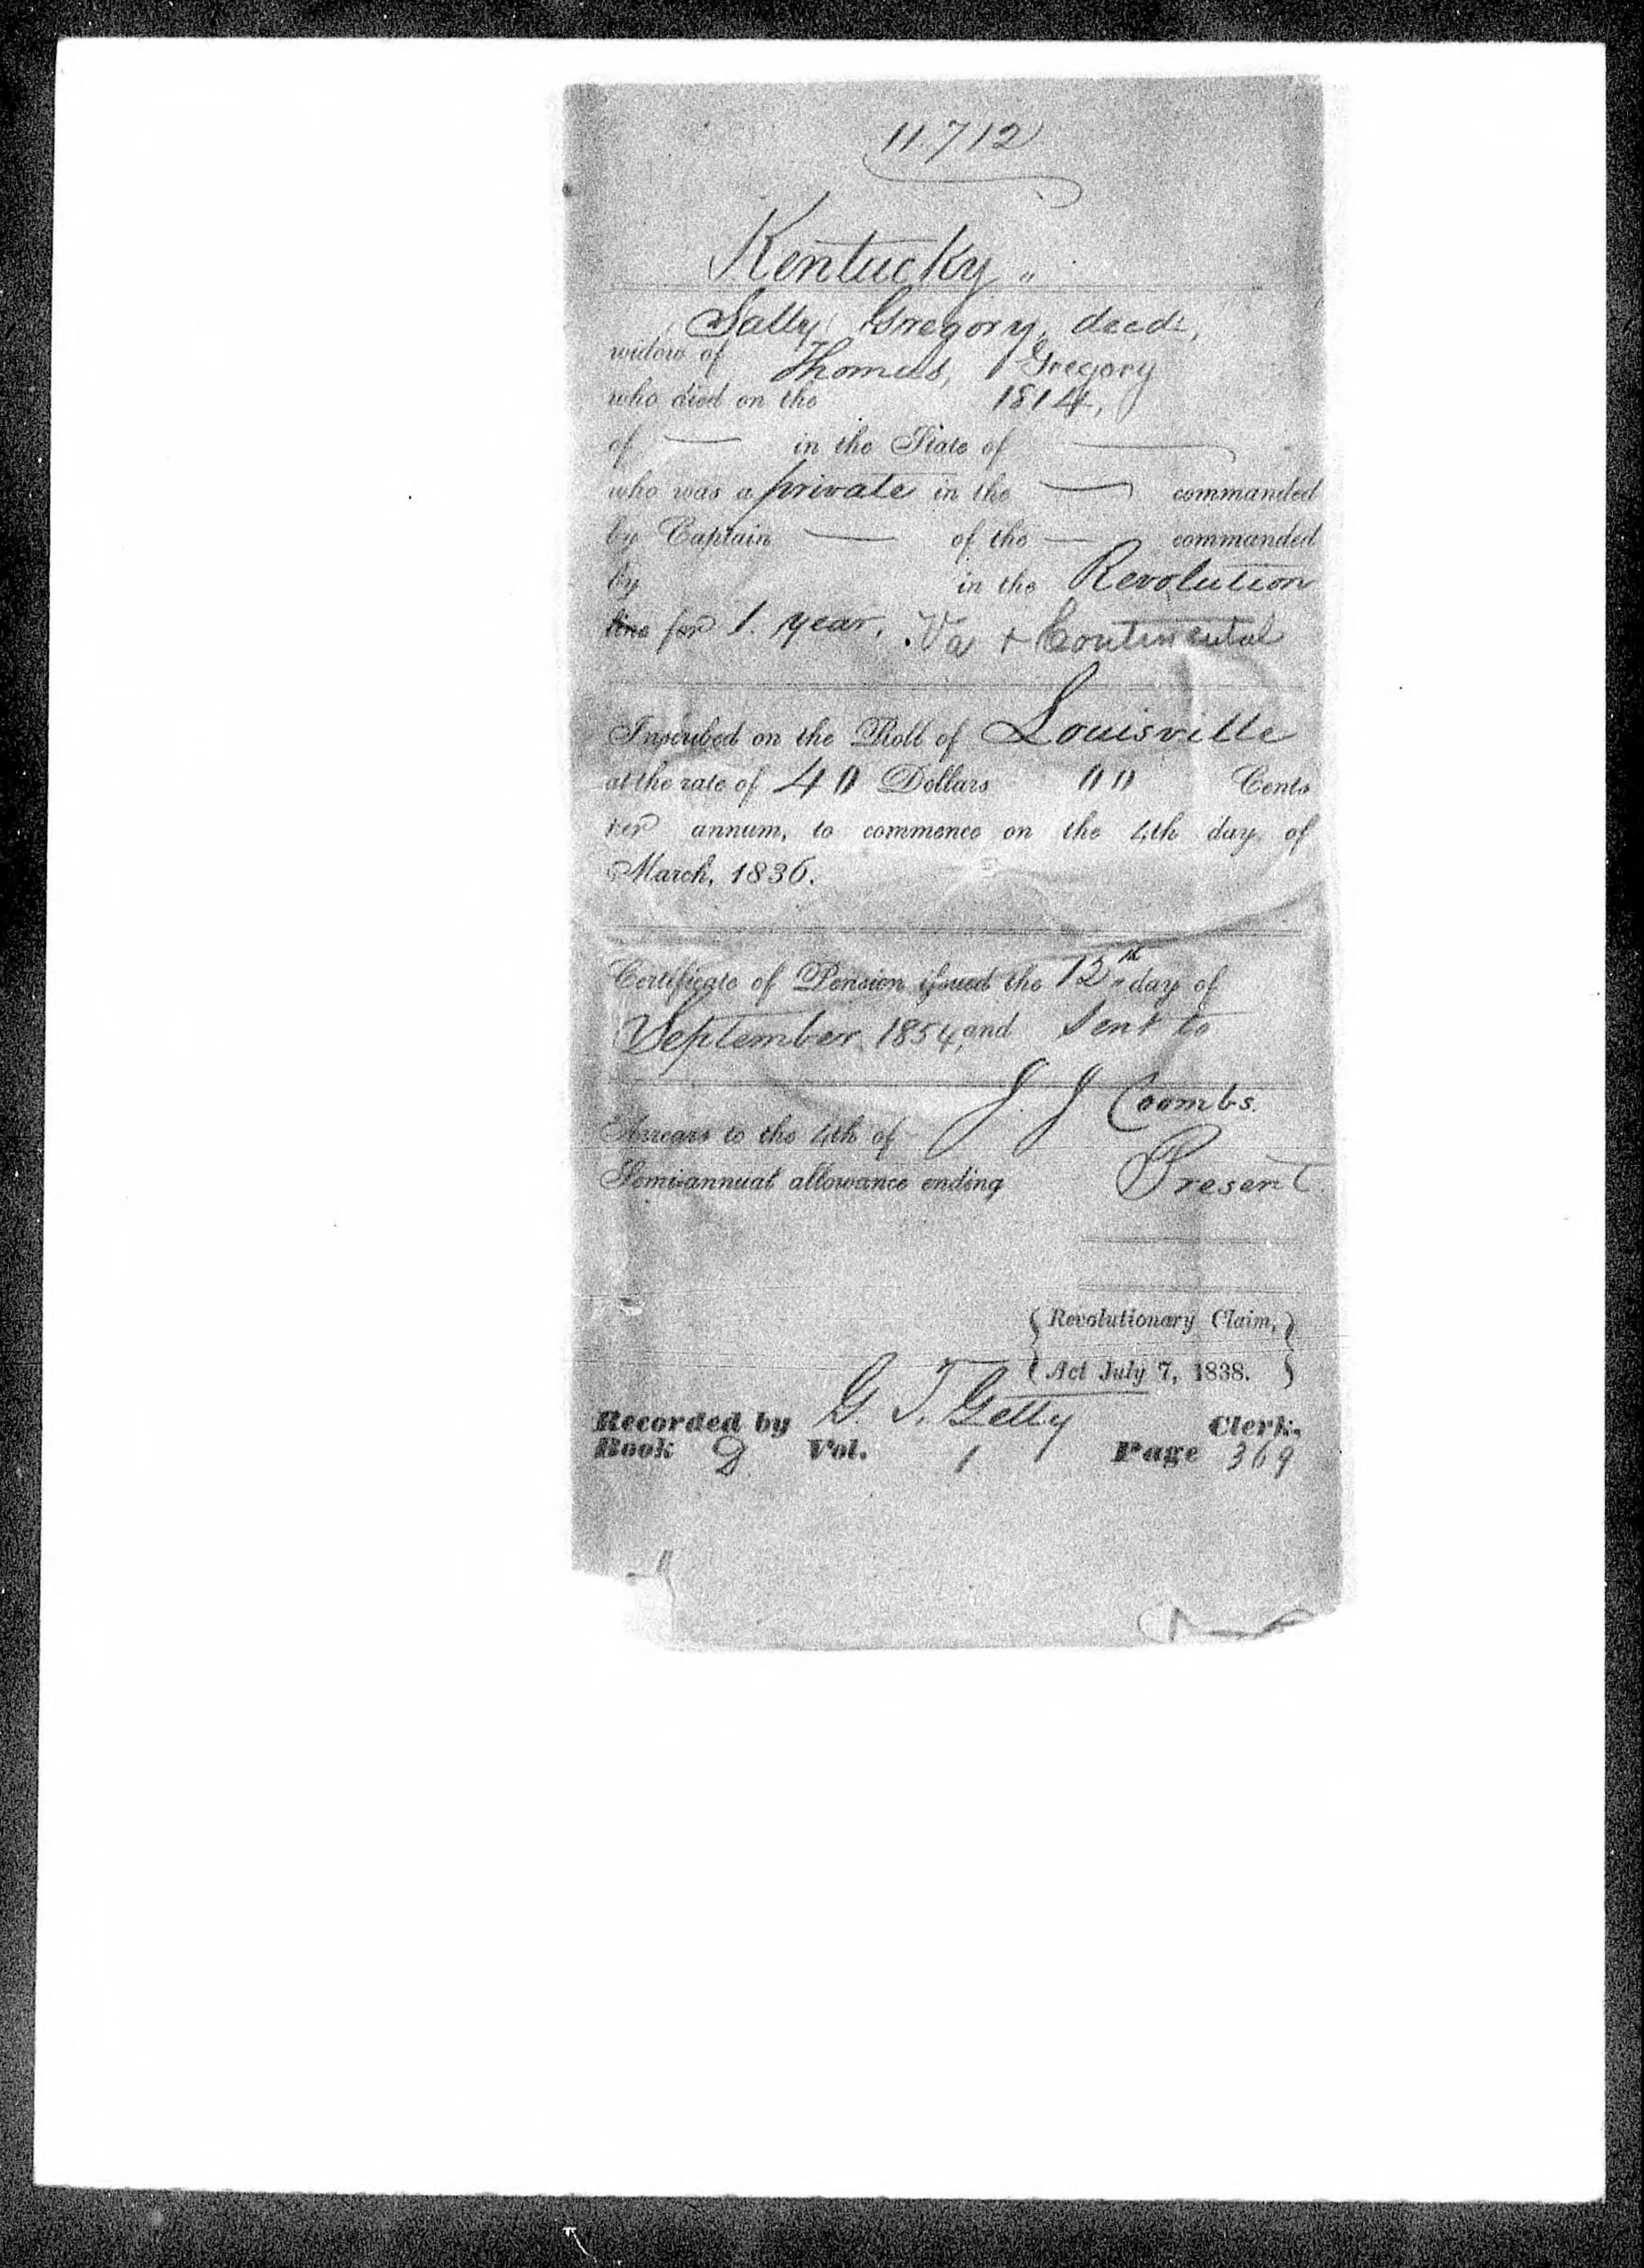11.7.12

Kentucky

Sally Gregory, dead, widow of Thomas Gregory, who died on the 1814 of ____, in the State of _____ who was a private in the _____ commanded by Captain _____ of the_____ commanded by          in the Revolution for 1 year.  Va + Continental.

Inscribed on the Roll of Louisville at the rate of 40 Dollars 00 Cents per annum, to commence on the 4th day of March, 1836.

Certificate of Pension issued the 12th day of September 1854, and sent to J.J. Coombs.  

Arrears to the 4th of _____
Semiannual allowance ending Present.

                                         {Revolutionary Claim, 
                                              Act July 7, 1838.}

Recorded by G.J. Getty    Clerk,
Book D Vol. 1      Page 369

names: Thomas Gregory, Sally Gregory, G T Getty, J J Coombs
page: 2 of 75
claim: widow's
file: W. 8876, Thomas Gregory, Continental Va